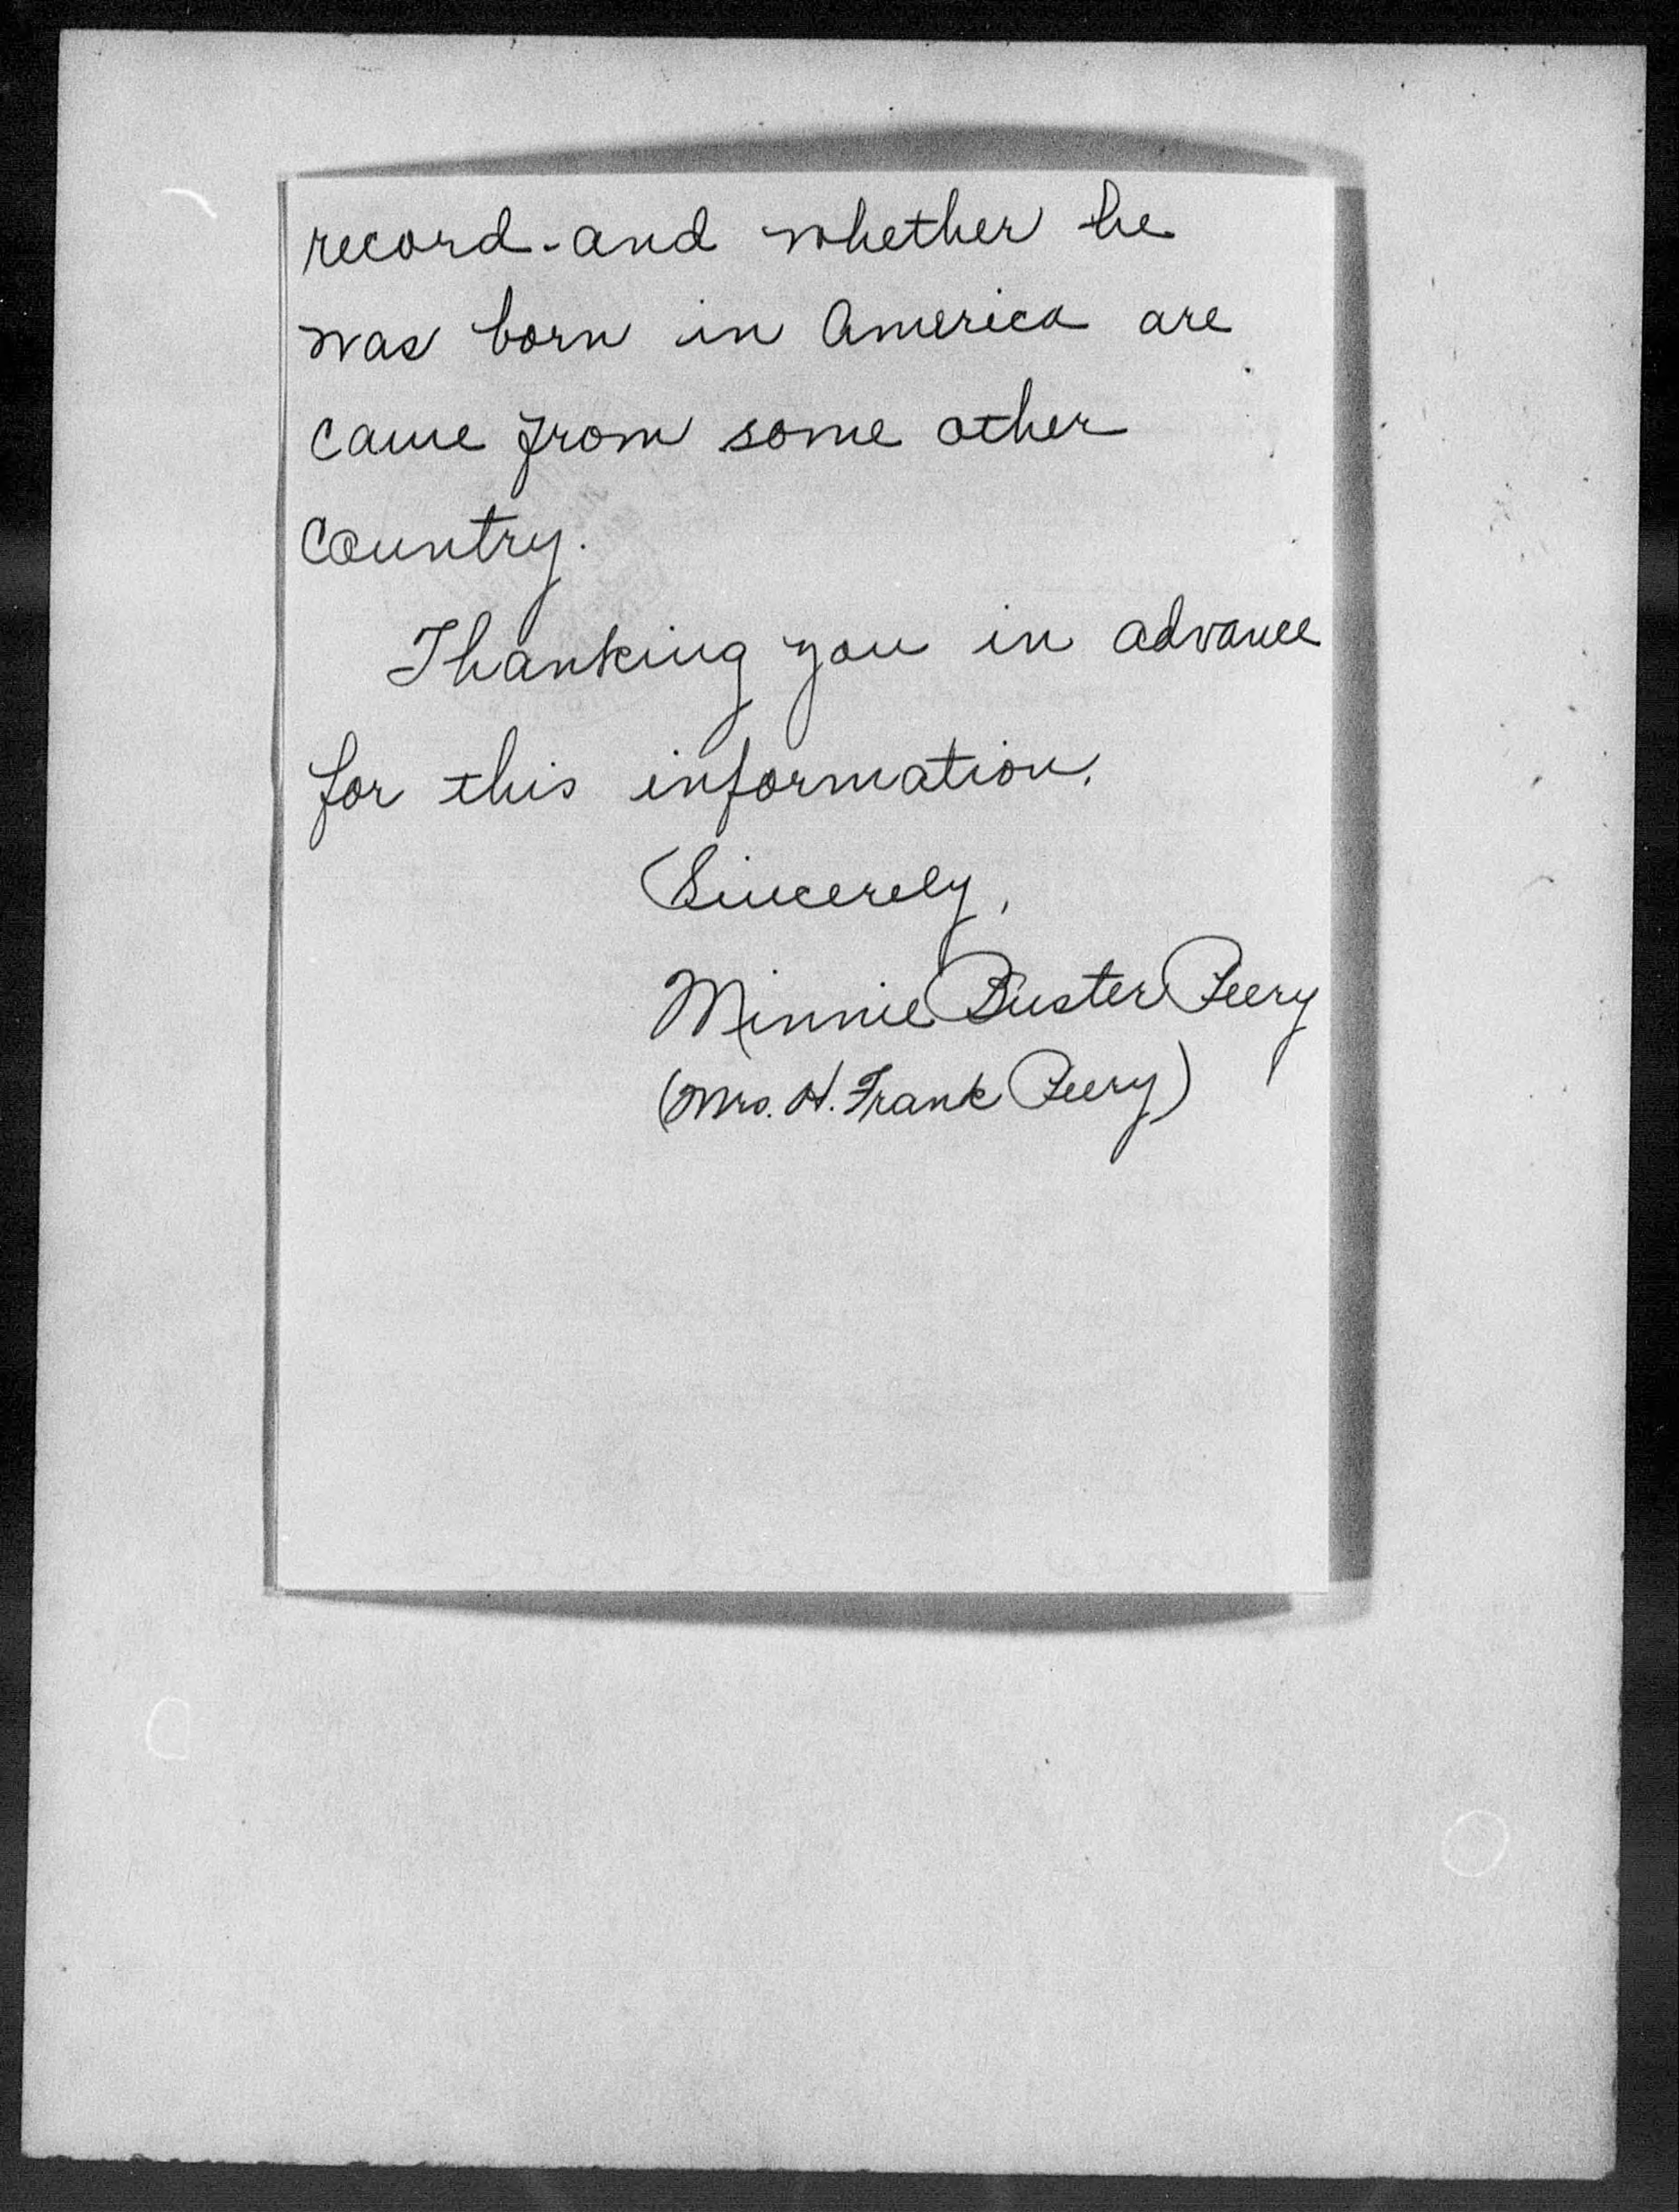record - and whether he was born in America are(sic) came from some other country.
Thanking you in advance for this information.

Sincerely,
Minnie Buster Peery
(Mrs. H. Frank Peery)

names: Frank Peery, Minnie Buster Peery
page: 49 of 71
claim: widow's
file: W. 25310, Claudius Buster, Va.